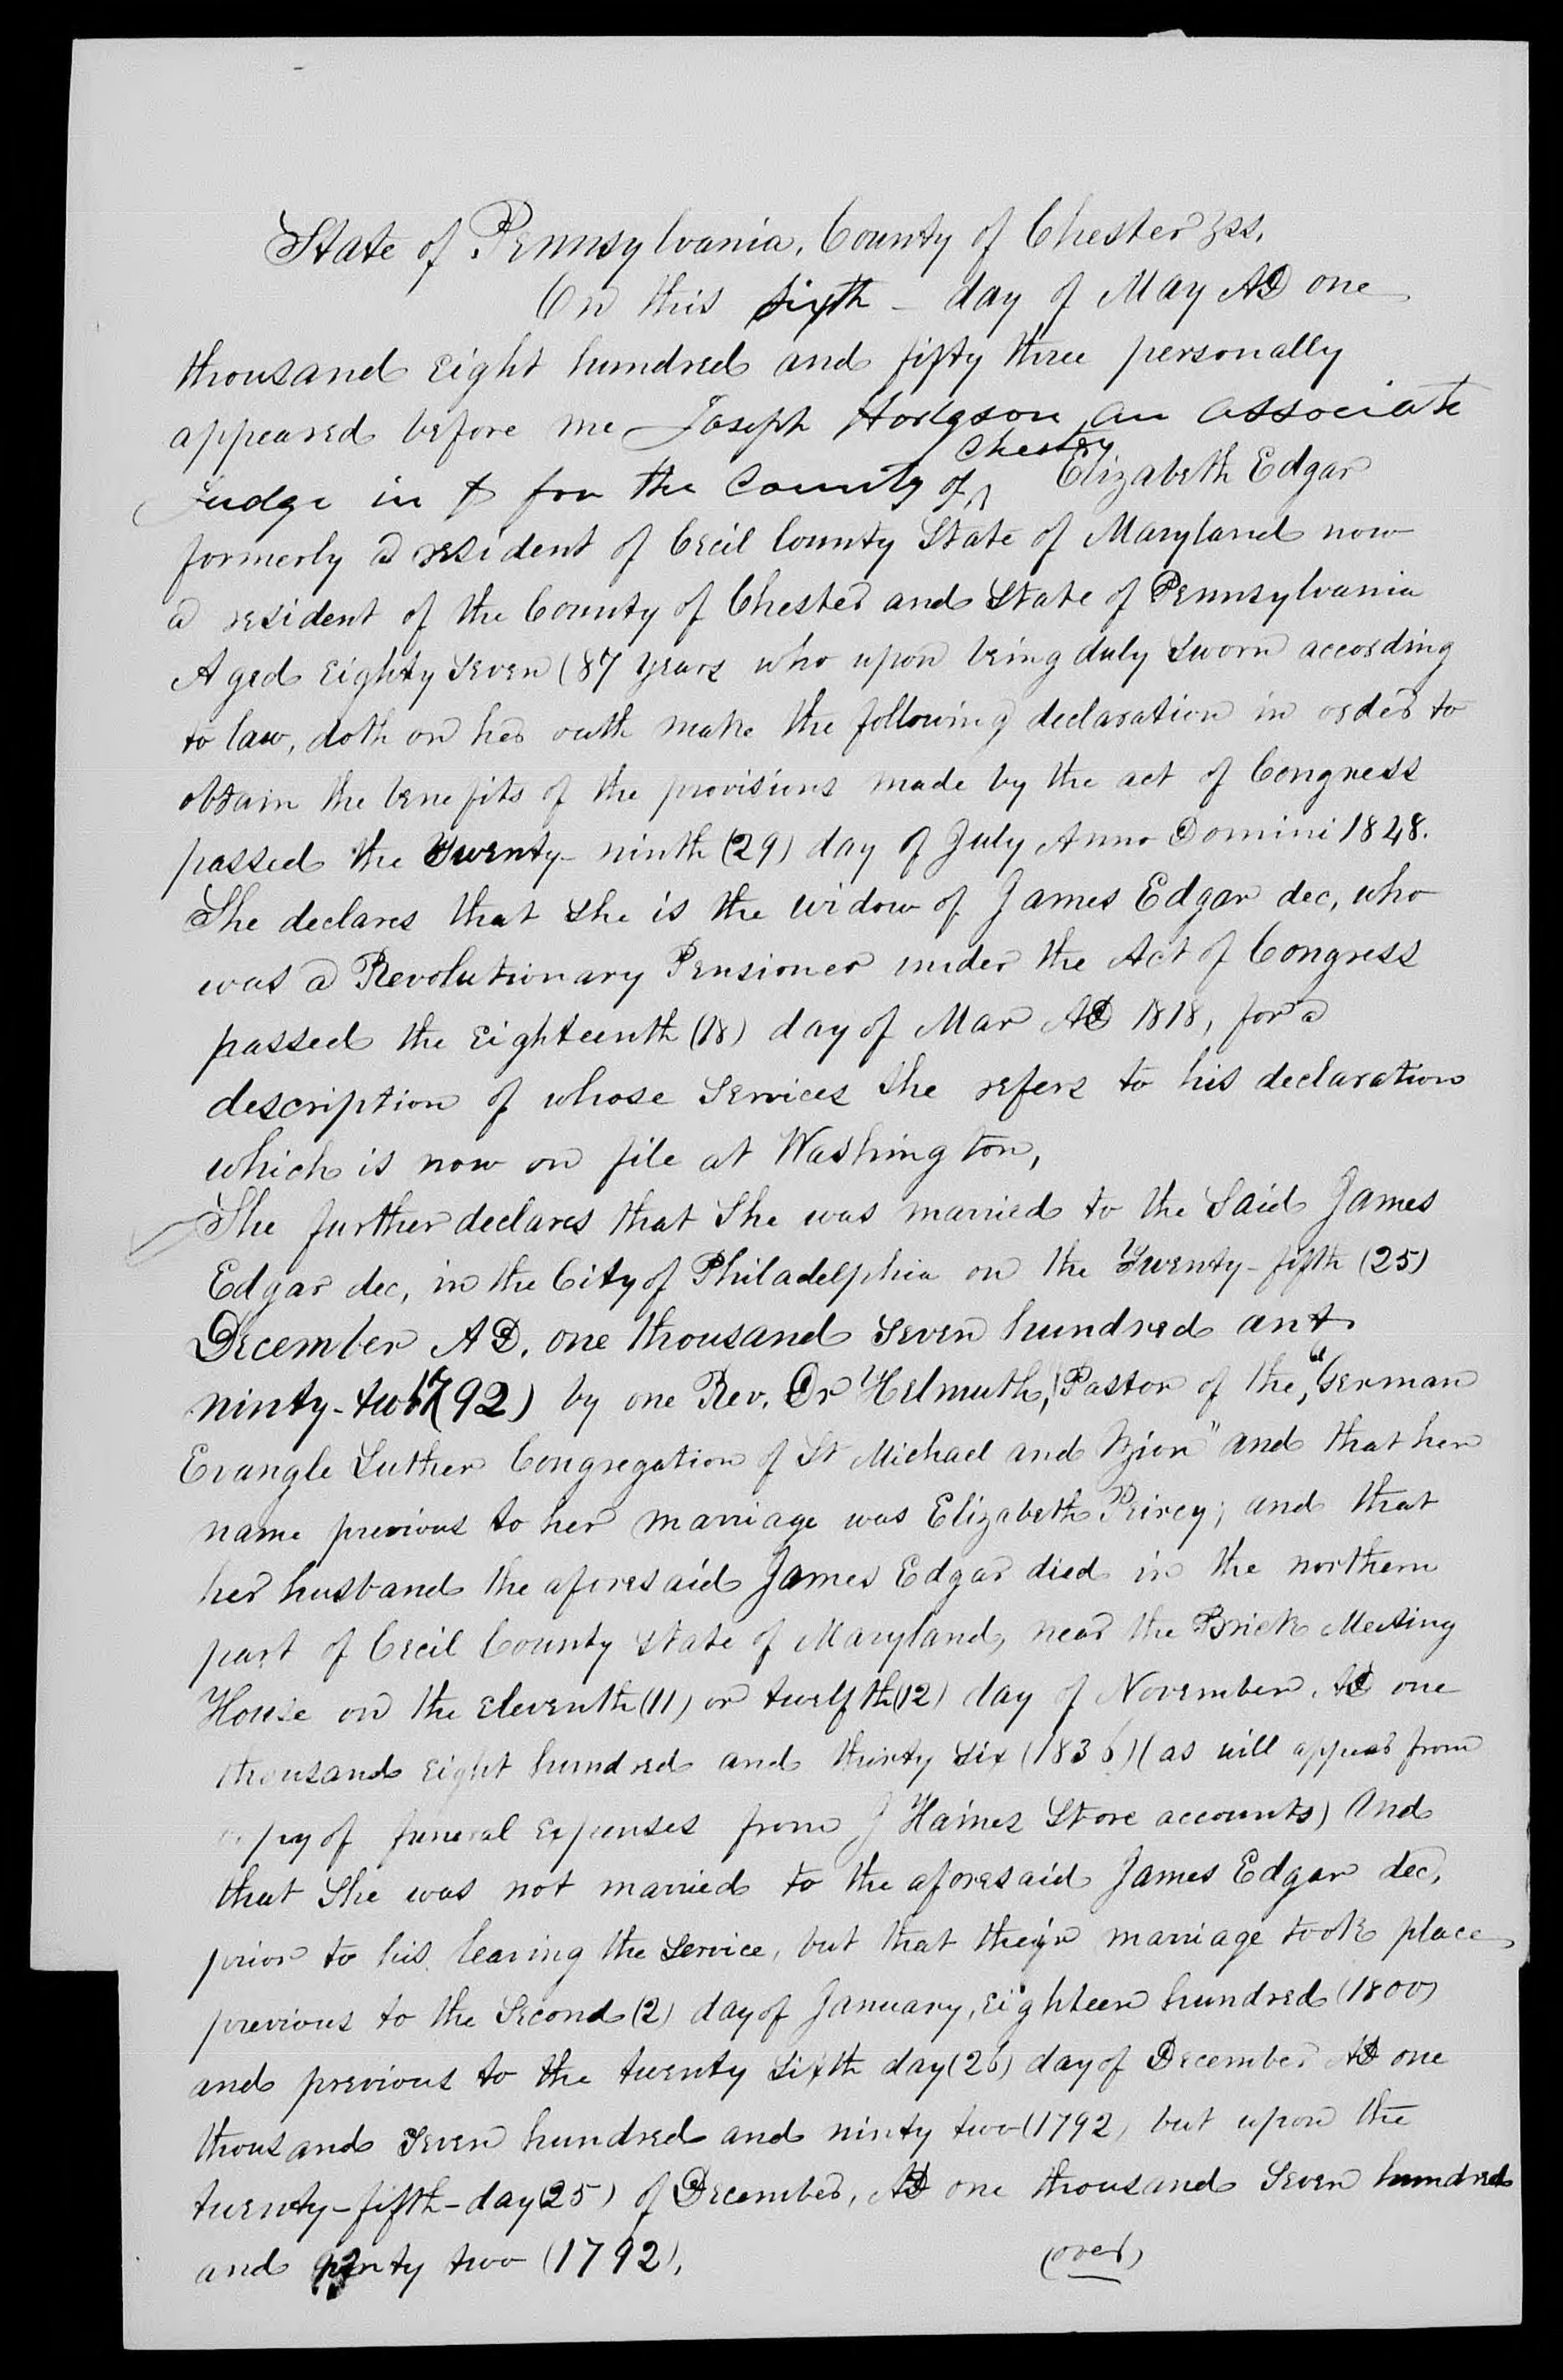State of Pennsylvania, County of Chester ⎬
On this sixth day of May AD one
thousand Eight hundred and fifty three personally appeared before me Joseph Hodgson an Associate Judge in & for the County of Chester.  Elizabeth Edgar formerly a resident of Cecil County State of Maryland now
a resident of the County of Chester and State of Pennsylvania Aged Eighty Seven (87 years who upon being duly sworn according to
law, doth on her oath make the following declaration in order to obtain the benefits of the provisions made by the act of Congress
passed the Twenty-ninth (29) day of July Anno Domini 1848.  She declares that she is the widow of James Edgar dec, who was a Revolutionary Pensioner under the Act of Congress passed the Eighteenth (18) day of May AD 1818, for a description of whose services she refers to his declaration which is now on file at Washington.
She further declares that she was married to the said James Edgar dec, in the City of Philadelphia on the Twenty-fifth (25)
December AD. one thousand seven hundred and ninety-two (1792) by one Rev. Dr Helmuth, Pastor of the "German Evangle Luther Congregation of St Michael and Zion" and that her name previous to her marriage was Elizabeth Peircy; and that her husband the aforesaid James Edgar died in the northern
part of Cecil County State of Maryland, near the Brick Meeting House on the eleventh (11) or twelfth (12) day of November AD one
thousand Eight hundred and thirty six (1836) (as will appear from pay of funeral expenses from J Haines Store accounts) and that she was not married to the aforesaid James Edgar dec,
prior to his leaving the service, but that their marriage took place previous to the Second (2) day of January, Eighteen hundred (1800)
and previous to the twenty sixth day (26) day of December AD one thousand seven hundred and ninety two (1792, but upon the twenty-fifth-day 25) of December, AD one thousand Seven hundred and forty two (1742).
(over )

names: James Edgar, Elizabeth Peircy, Helmuth Pastor, James Edgar, Elizabeth Edgar, J Haines, James Edgar, James Edgar, Joseph Hodgson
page: 14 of 74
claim: widow's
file: W. 9422, James Edgar, Penn.